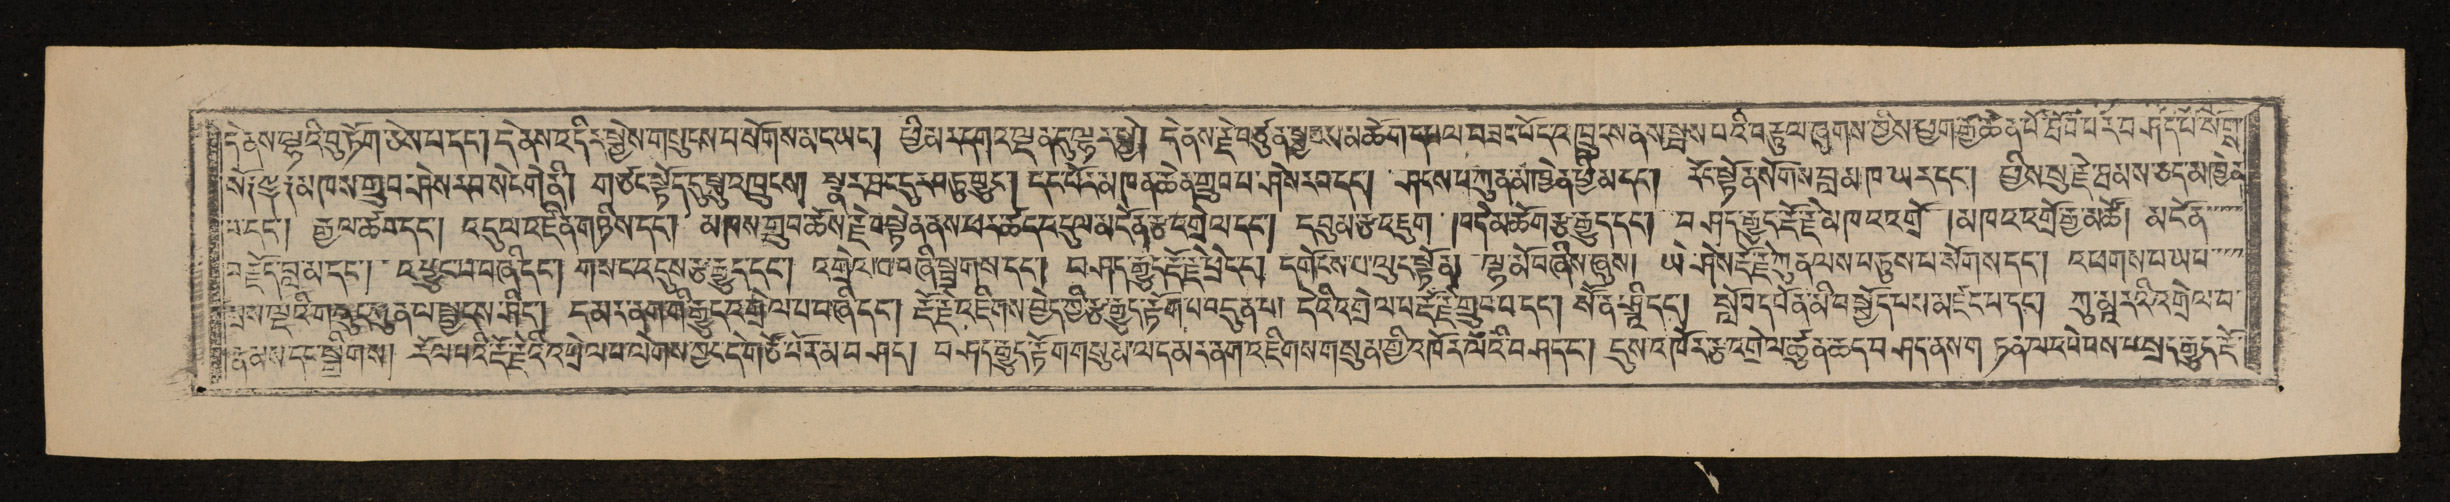དེ་ནས་ལྷའི་བུ་ཏོག་ཅེས་པ་དང་། དེ་ནས་འདིར་སྐྱེས་གསུངས་པ་སོགས་མང་ཡང་། ཕྱི་མར་དགའ་ལྡན་དུ་ལྷར་སྐྱེ། དེ་ནས་རྗེ་བཙུན་སྐྱབས་མཆོག་དཔལ་བཟང་པོར་འཁྲུངས་ནས་སྦས་པའི་བརྟུལ་ཞུགས་ཀྱིས་ཕྱག་རྒྱ་ཆེན་པོ་ཐོབ་པར་བཤད་པ་སོགས་
སོ༑ ༈ ༑མཁས་གྲུབ་ཤེས་རབ་སེང་གེ་ནི། གཙང་སྟོད་དུ་སྐུ་འཁྲུངས། སྣར་ཐང་དུ་རབ་ཏུ་བྱུང་། དང་པོར་མཁན་ཆེན་གྲུབ་པ་ཤེས་རབ་དང་། ཤངས་པ་ཀུན་མཁྱེན་ཕྱི་མ་དང་། རོང་སྟོན་སོགས་བླ་མ་ཁ་ཡར་དང་། ཕྱིས་སུ་རྗེ་ཐམས་ཅད་མཁྱེན་
པ་དང་། རྒྱལ་ཚབ་དང་། འདུལ་འཛིན་གཉིས་དང་། མཁས་གྲུབ་ཆོས་རྗེ་བསྟེན་ནས་ཕར་ཚད་འདུལ་མངོན་རྩ་འགྲེལ་དང་། དབུ་མ་རྩ་འཇུག །བདེ་མཆོག་རྩ་རྒྱུད་དང་། བཤད་རྒྱུད་རྡོ་རྗེ་མཁའ་འགྲོ་།མཁའ་འགྲོ་རྒྱ་མཚོ། མངོན་
བརྗོད་བླ་མ་དང་། འབྱུང་བ་བཞི་དང་། གསང་འདུས་རྩ་རྒྱུད་དང་། འགྲེལ་བ་བཞི་སྤྲགས་དང་། བཤད་རྒྱུད་རྡོ་རྗེ་ཕྲེང་བ། དགོངས་པ་ལུང་སྟོན། ལྷ་མོ་བཞིས་ཞུས། ཡེ་ཤེས་རྡོ་རྗེ་ཀུན་ལས་བཏུས་པ་སོགས་དང་། འཕགས་པ་ཡབ་
སྲས་ལྔའི་གཞུང་ཀུན་ལ་སྦྱངས་ཤིང་། དམར་ནག་གི་རྒྱུད་འགྲེལ་བ་བཞི་དང་། རྡོ་རྗེ་འཇིགས་བྱེད་ཀྱི་རྩ་རྒྱུད་རྟོག་པ་བདུན་བ། དེའི་འགྲེལ་བ་རྡོ་རྗེ་གྲུབ་པ་དང་། སཽ་ན་ཤྲཱི་དང་། སློབ་དཔོན་མིང་སྐྱོད་པས་མཛད་པ་དང་། ཀུ་མཱ་རའི་འགྲེལ་བ་
རྣམས་དང་སྒྲིགས། རོལ་བའི་རྡོ་རྗེའི་འགྲེལ་བ་ལེགས་ཀྱང་དེ་གཙོ་བོར་མ་བཤད། བཤད་རྒྱུད་རྟོག་གསུམ་ལ་དམར་ནག་འཇིགས་གསུམ་གྱི་འཁོར་ལོའི་བཤད་པ། དུས་འཁོར་རྩ་འགྲེལ་ཚུན་ཆད་བཤད་ནས་གཏན་ལ་འབེབས་པ་སྲད་རྒྱུད་རྡོ་